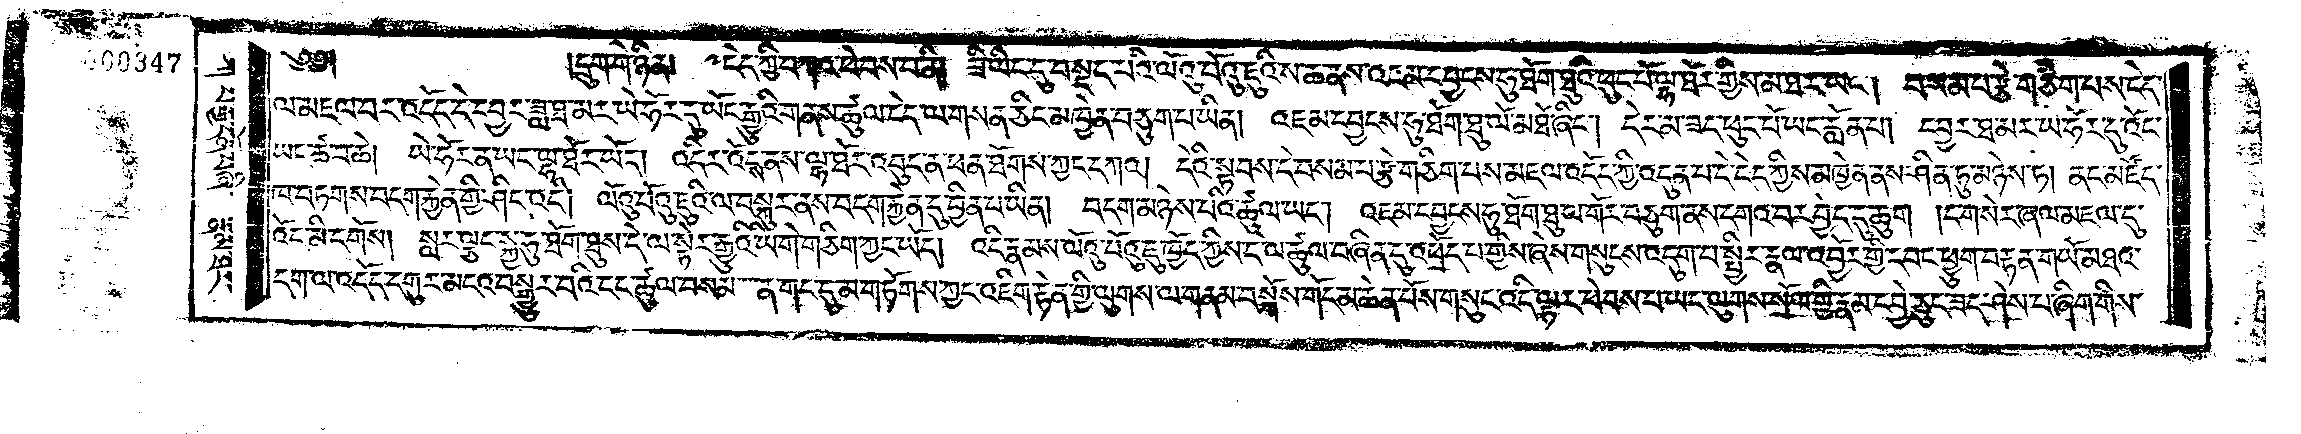༄༅། །དྲུག་གེ་ཉིན། ངེར་ཀྱི་བཀའ་ཕེབས་པ་ནི། བྲི་ལིང་དུ་བསྡད་པའི་ལོའུ་པོའུ་ཇུའི་ས་ཆ་ནས་འཇམ་དབྱངས་ཧུ་ཐོག་ཐུའི་ཕུང་པོ་ལྷ་ཐོར་གྱིས་མ་ཐར་ཡང་། བསམ་པ་རྩེ་གཅིག་པས་ངེད་
ལ་མཇལ་བར་འདོད་དེ་དབྱར་ཟླ་ཐ་མར་ཡེ་ཧོར་དུ་ཡོང་རྒྱུའི་གནས་ཚུལ་ངེད་ལ་གསན་ཅིང་མཁྱེན་བཅུག་པ་ཡིན། འཇམ་དབྱངས་ཧུ་ཐོག་ཐུ་ལོ་མཐོ་ཞིང་། དེར་མ་ཟད་ཕུང་པོ་ཡང་རློན་པ། དབྱར་ཐ་མར་ཡེ་ཧོར་དུ་འོང་
ཡང་ཚ་བ་ཆེ། ཡེ་ཧོར་ན་ཡང་ལྷ་ཐོར་ཡོད། འདིར་འོངས་ནས་ལྷ་ཐོར་འབུད་ན་ཕན་ཐོགས་ཀྱང་དཀའ། དེའི་སྟབས་དེ་བསམ་པ་རྩེ་གཅིག་པས་མཇལ་འདོད་ཀྱི་འདུན་པ་དེ་དེད་ཀྱིས་མཁྱེན་ནས་ཤིན་ཏུ་མཉེས་ཏེ། ནང་མཛོད་
ཁ་བཏགས་བདག་རྐྱེན་གྱི་ཤིང་འདི། ལོའུ་པོའུ་ཇུའི་ལ་བསྐུར་ནས་བདག་རྐྱེན་དུ་བྱིན་པ་ཡིན། བདག་མཉེས་པའི་ཚུལ་ཡང་། འཇམ་དབྱངས་ཧུ་ཐོག་ཐུ་ལ་གོར་བཅུག་ནས་དགའ་བར་བྱེད་དུ་ཆུག །ང་གསེར་ཞལ་མཇལ་དུ་
འོང་མི་དགོས། སླར་ལྕང་སྐྱ་ཧུ་ཐོག་ཐུས་དེ་ལ་སྟེར་རྒྱུའི་ཡི་གེ་གཅིག་ཀྱང་ཡོད། འདི་རྣམས་ལོའུ་པོའུ་ཇུ་ཁྱོད་ཀྱིས་དེ་ལ་ཚུལ་བཞིན་དུ་འཕྲོད་པ་གྱིས་ཞེས་གསུངས་འདུག་བ་སྤྱིར་རྣལ་འབྱོར་གྱི་དབང་ཕྱུག་བརྟན་གཡོ་མཐའ་
དག་ལ་འདོད་དགུར་མངའ་བསྒྱུར་བའི་ངང་ཚུལ་བསམ་ན་གང་དུ་མ་གཏོགས་ཀྱང་འཇིག་རྟེན་གྱི་ལུགས་ལ་གནམ་བསྐོས་གོང་མ་ཆེན་པོས་གསུང་འདི་ལྟར་ཕེབས་པ་ཡང་ལུགས་སྲོལ་གྱི་རྣམ་དབྱེ་ཅུང་ཟད་ཤེས་པ་ཞིག་གིས་